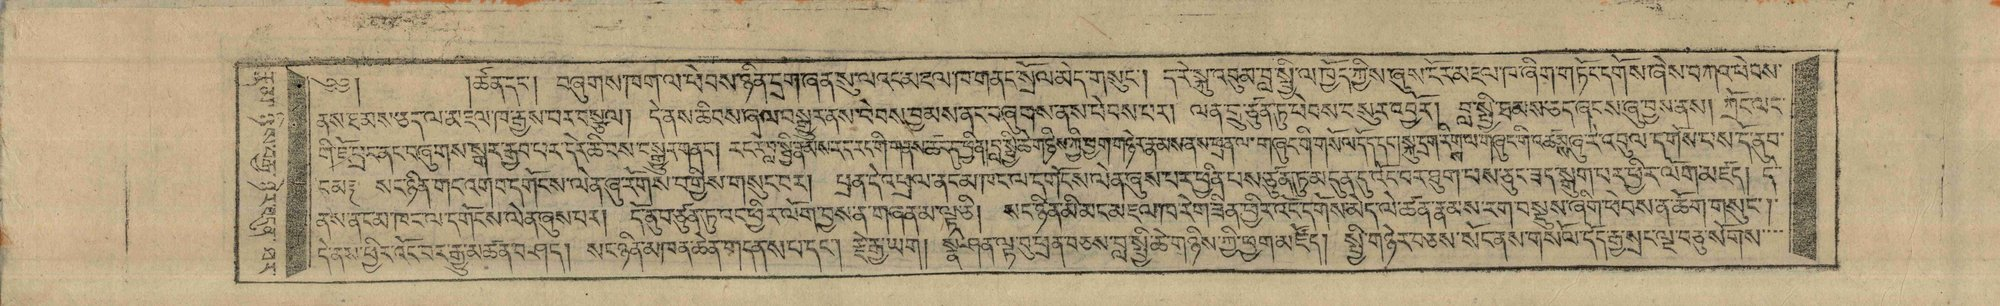༄༅། །ཚན་དང་། བཞུགས་ཁག་ལ་ཕེབས་ཉིན་དྲག་ཞན་སུ་ལའང་མཇལ་ཁ་གནང་སྲོལ་མེད་གསུང་། ད་རེ་སྐུ་འབུམ་བླ་སྤྱི་ལ་ཁྱོད་ཀྱིས་ཞུས་ངོར་མཇལ་ཁ་ཞིག་གཏོང་དགོས་ཞེས་བཀའ་ཕེབས་
ནས་ཐམས་ཅད་ལ་མཇལ་ཁ་རྒྱས་པར་བསྩལ། དེ་ནས་ཆིབས་ཞལ་བསྒྱུར་ནས་ཕེབས་བྱམས་ནང་བཞུགས་ནས་ཕེབས་པར། ལན་གྲུ་ཙུན་ཏུ་ཕེབས་བསུར་འབྱོར། བླ་སྤྱི་ཐམས་ཅད་ཞབས་ཞུ་བྱས་ནས། ཀྲོང་ལང་
གི་ཇོ་བྲང་ནང་བཞུགས་སྒར་རྒྱབ་པར་དེར་ཆི་བས་བསྒྱུར་གནང་། རང་རེ་བླ་སྤྱི་རྣམས་རང་རང་གི་གནས་ཚང་དུ་ཕྱིན། བླ་སྤྱི་ཆེ་གཉིས་ཀྱི་ཕྱག་གཉེར་རྣམས་ནས་ཕྲན་ལ་གཞུང་གི་གསོལ་དོད་དང་། སྐུ་དྲག་རིགས་ལ་གཞུང་གི་འཚམས་ཞུ་རེ་འབུལ་དགོས་པས་དོ་ནུབ་
བམ༑ སང་ཉིན་གང་འགབ་དགོངས་ལེན་ཞུ་རོགས་བགྱིས་གསུང་བར། ཕྲན་དེ་འཕྲལ་ནང་མ་ཁང་ལ་དགོངས་ལེན་ཞུས་པར་ཕྱིན་པས་ཙུན་ཏུ་མདུན་དུ་འོང་བར་ཐུག་པས་ཅུང་ཟད་སྒུག་པར་ཕྱིར་ལོག་མཛད། དེ་
ནས་ནང་མ་ཁང་ལ་དགོངས་ལེན་ཞུས་པར། དོ་ནུབ་ཙུན་ཏུ་འང་ཕྱིར་ལོག་བྱས་ན་གཞན་མ་ལྟ་ཅི། སང་ཉིན་མི་མང་མཇལ་ཁ་རེག་ཟིན་ཕྱིར་འོང་དགོས་མེད་ལེ་ཚན་རྣམས་རག་བསྡུས་ཞིག་ཕེབས་ན་ཆོག་གསུང་།
དེ་ནས་ཕྱིར་འོང་བར་རྒྱུ་མཚན་བཤད། སང་ཉིན་མཁན་ཆེན་གདན་ས་པ་དང་། རྗེ་རྒྱ་ཡག །སྣེ་ཤན་ལྟ་བུ་ཕྲན་བཅས་བླ་སྤྱི་ཆེ་གཉིས་ཀྱི་ཕྱག་མཛོད། སྤྱི་གཉེར་བཅས་སོང་ནས་གསོལ་དོད་རྒྱ་སྲང་ལྔ་བཅུ་སོགས་